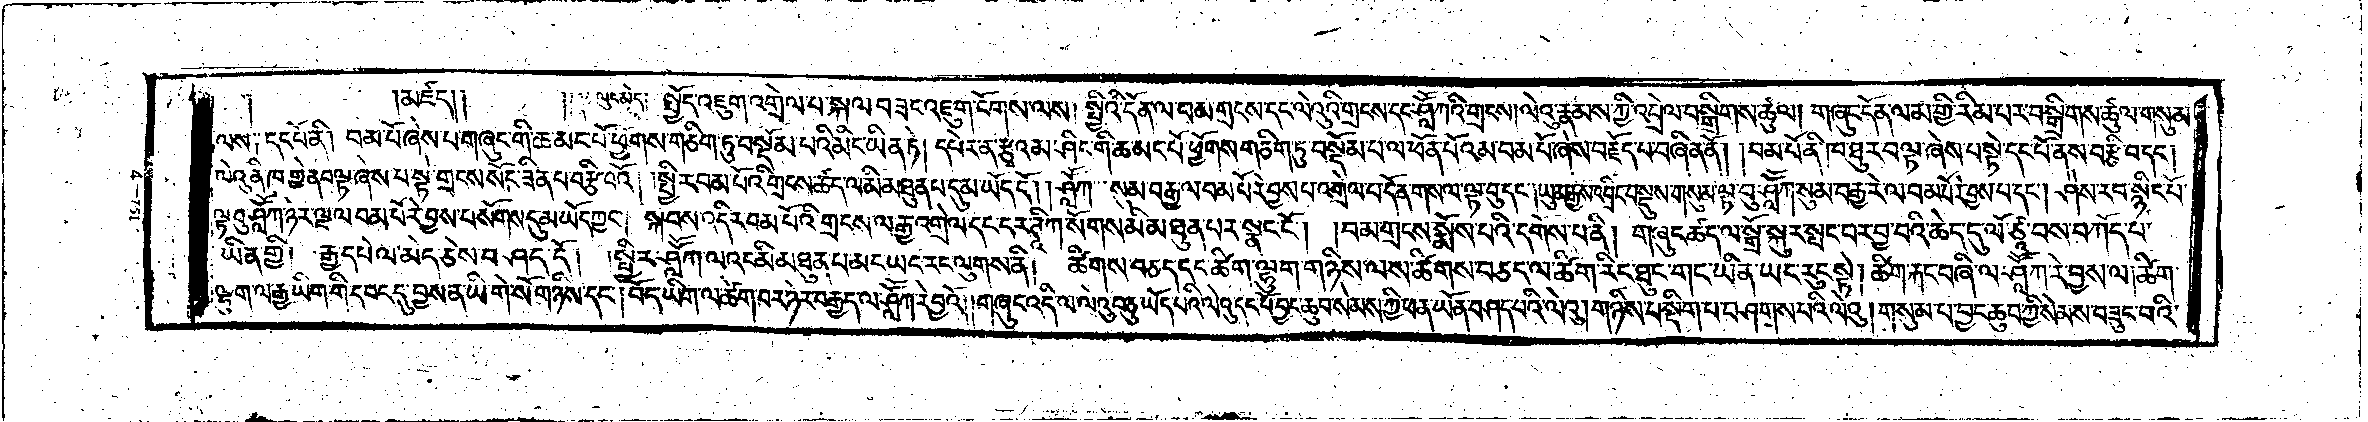༄༅། །མཛད། །རྗེས་ལུང་མེད།  སྤྱོད་འཇུག་འགྲེལ་པ་སྐལ་བཟང་འཇུག་ངོགས་ལས། སྤྱིའི་དོན་ལ་བམ་གྲངས་དང་ལེའུའི་གྲངས་དང་ཤླཽཀའི་གྲངས། ལེའུ་རྣམས་ཀྱི་འབྲེལ་བསྒྲིགས་ཚུལ། གཞུང་དོན་ལམ་གྱི་རིམ་པར་བསྒྲིགས་ཚུལ་གསུམ་
ལས༑ དང་པོ་ནི། བམ་པོ་ཞེས་པ་གཞུང་གི་ཆ་མང་པོ་ཕྱོགས་གཅིག་ཏུ་བསྡོམ་པའི་མིང་ཡིན་ཏེ། དཔེར་ན་རྩྭའམ་ཤིང་གི་ཆ་མང་པོ་ཕྱོགས་གཅིག་ཏུ་བསྡོམ་པ་ལ་ཕོན་པོའམ་བམ་པོ་ཞེས་བརྗོད་པ་བཞིན་ནོ། །བམ་པོ་ནི་ཁ་ཐུར་བལྟ་ཞེས་པ་སྟེ་དང་པོ་ནས་བརྩི་བ་དང་།
ལེའུ་ནི་ཁ་གྱེན་བལྟ་ཞེས་པ་སྟེ་གྲངས་སོང་ཟིན་པ་བརྩི་བའོ། །སྤྱིར་བམ་པོའི་གྲངས་ཚད་ལ་མི་མཐུན་པ་དུམ་ཡོད་དོ། །ཤླཽཀ་སུམ་བརྒྱ་ལ་བམ་པོར?་བྱས་པ་འགྲེལ་པ་དོན་གསལ་ལྟ་བུ་དང་།ཡུམ་རྒྱས་འབྲིང་བསྡུས་གསུམ་ལྟ་བུ་ཤླཽཀ་སུམ་བརྒྱ་རེ་ལ་བམ་པོ་རེ་བྱས་པ་དང་། ཤེས་རབ་སྙིང་པོ་
ལྟ་བུ་ཤླཽཀ་ཉེར་ལྔ་ལ་བམ་པོ་རེ་བྱས་པ་སོགས་དུམ་ཡོད་ཀྱང་། སྐབས་འདིར་བམ་པོའི་གྲངས་ལ་རྒྱ་འགྲེལ་དང་དར་ཊཱིཀ་སོགས་མི་མཐུན་པར་སྣང་ངོ། །བམ་གྲངས་སྨོས་པའི་དགོས་པ་ནི། གཞུང་ཚད་ལ་སྒྲོ་སྐུར་སྤང་བར་བྱ་བའི་ཆེད་དུ་ལོ་ཙཱ་བས་བཀོད་པ་
ཡིན་གྱི། རྒྱུ་དཔེ་ལ་མེད་ཅེས་བཤད་དོ། །སྤྱིར་ཤླཽཀ་ལའང་མི་མཐུན་པ་མང་ཡང་རུང་ལུགས་ནི། ཚིགས་བཅད་དན་ཚིག་ལྷུང་གཉིས་ལས་ཚིགས་བཅད་ལ་ཚིག་རིང་ཐུང་གང་ཡིན་ཡང་རུང་སྟེ། ཚིག་རྐང་བཞི་ལ་ཤླཽཀ་རེ་བྱས་ལ། ཚིག་
ལྷུག་ལ་རྒྱ་ཡིག་གི་དབང་དུ་བྱས་ན་ཡི་གེ་སོ་གཉིས་དང་། བོད་ཡིག་ལ་ཚེག་བར་ཉེར་བརྒྱད་ལ་ཤླཽཀ་རེ་བྱའོ། །གཞུང་འདི་ལ་ལེའུ་བཅུ་ཡོད་པའི་ལེའུ་དང་པོ་བྱང་ཆུབ་སེམས་ཀྱི་ཕན་ཡོན་བཤད་པའི་ལེའུ། གཉིས་པ་སྡིག་པ་བཤགས་པའི་ལེའུ། གསུམ་པ་བྱང་ཆུབ་ཀྱི་སེམས་བཟུང་བའི་